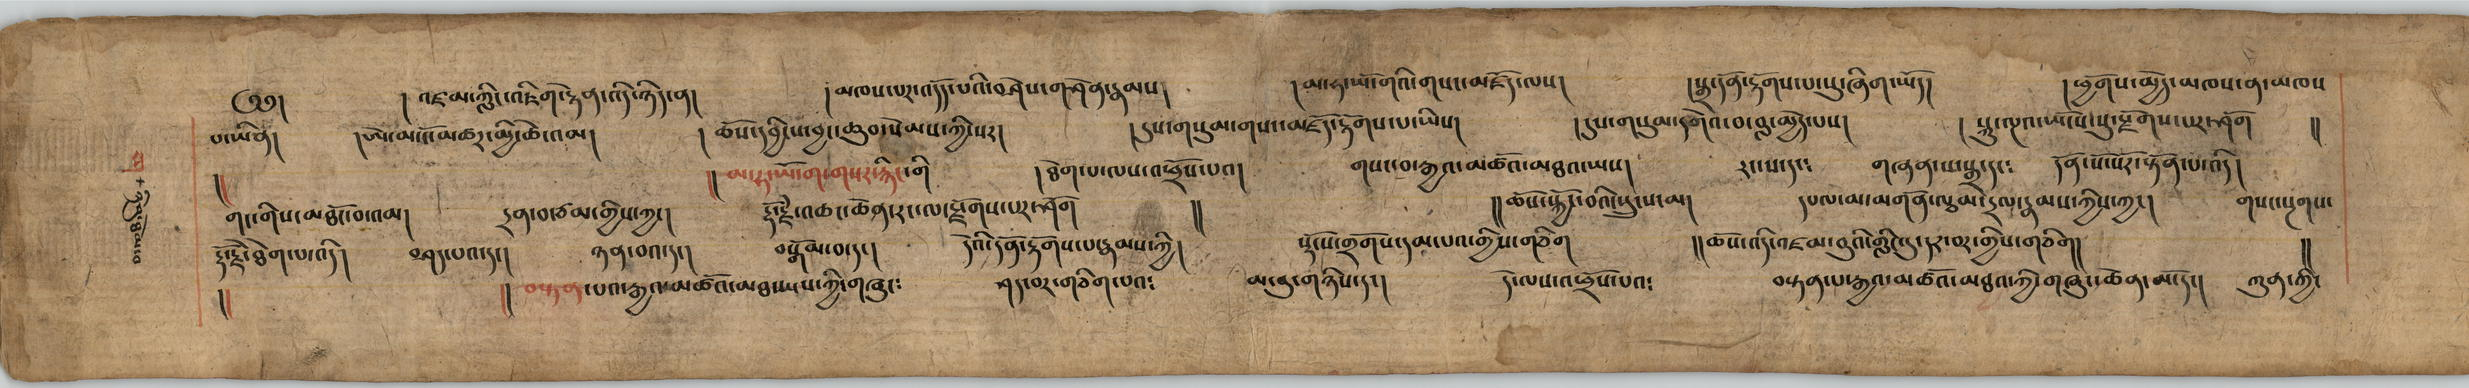༄༅། །འཛམ་ཀླིང་འཇིག་རྟེན་འདི་ཉིད་ན། །མཁས་པར་འདོད་པའི་བཤེས་གཤེན་རྣམས། །མ་ཧ་ཡོ་གའི་གསང་མཛོད་ལས། །སྒྲ་དོན་རྟོགས་པ་སུ་ཞིག་ཡོད། །ཕྱོགས་མྱེད་མཁས་ན་མཁས
པ་ཡིན། །ཨེ་མ་ངོ་མཚར་མྱི་ཆེ་འམ། །ཆོས་དབྱིངས་བྱང་ཆུབ་སེམས་ཀྱི་སར། །དུས་གསུམ་གསང་མཛོད་རྟོགས་པ་ཡིས། །དུས་གསུམ་དགེའ་བ་བླ་མྱེད་པས། །སྐུ་ལྔའ་ཡོངས་སུ་སྫོགས་པར་ཤོག །།
།།མ་ཧ་ཡོ་ག་གསར་རྙོང་གི །ཐེག་པ་ལས་འཕྲོས་པའ། གསང་བ་རྒྱའ་མཚོའ་མཐའ་ཡས། རང་ས་དང༴ གཞན་པ་སྒྲ་དང༴ དོན་སོ་སོར་སྟོན་པ་འདི།
གང་གིས་མཐོང་བ་འམ། དྲན་བ་ཙམ་གྱིས་ཀྱང། རྡོ་རྗེ་འཆང་ཆེན་རང་ལ་སྫོགས་པར་ཤོག །། །།ཆོས་སྐྱོང་བའི་སྲུངས་མ། དཔལ་མ་མགོན་ལྕམ་དྲལ་རྣམས་ཀྱིས་ཀྱང། གསང་སྔགས་
རྡོ་རྗེ་ཐེག་པ་འདི། བཤད་པའ་དང། ཉན་བ་དང། བསྒོམ་བ་དང། དེའི་དོན་རྟོགས་པ་རྣམས་ཀྱི། སྡོངས་གྲོགས་དམ་པའ་གྱིས་གཅིག །།ཆོས་འདི་འཛམ་བུའི་གླིང་དི་དར་བར་གྱིས་གཅིག།
།།བསྟན་པའ་རྒྱའ་མཚོའ་མཐ་ཡས་ཀྱི་གཞུང༴ ཤད་བར་གཅིག་པའ༴ མ་བུ་གཉིས་དང། དེ་ལས་འཕྲོས་པའ༴ བསྟན་པ་རྒྱའ་མཚོའ་མཐའ་ཀྱི་གཞུང་ཆེན་མོ་དང། ཀུན་ཀྱི་